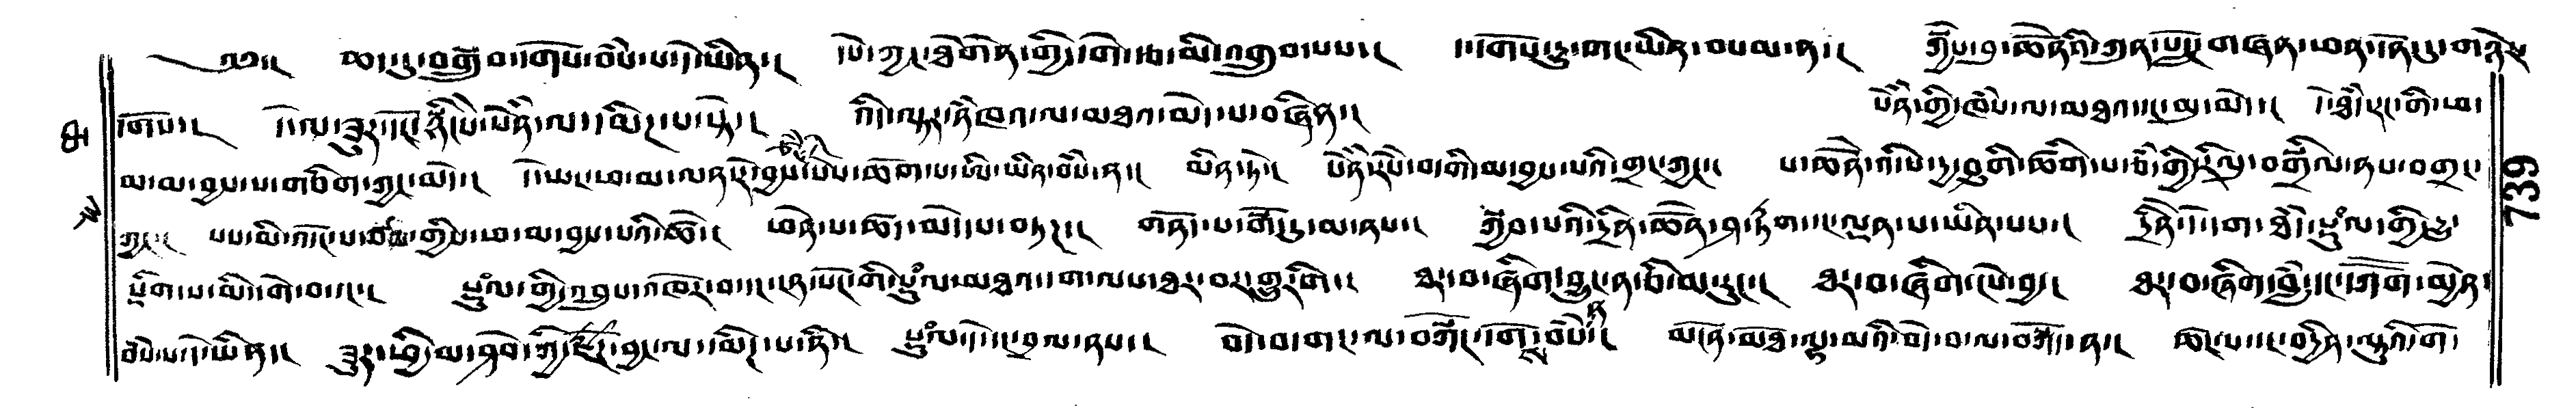ཆེད་དུ་བསྒྲུབ་དགོས་བསམ་པ་དེ་ཡིན། དེས་ཀྱང་ཐེག་ཆེན་གྱི་དགེ་རྩ་མི་འགྲུབ་པས། ད་དགོས་རྒྱུ་གང་ཡིན་བསམ་ན།སྐྱེས་བུ་ཆེན་པོའི་ཀུན་སློང་གཞན་ཕན་དོན་དུ་གཉེར་
དགོས། དེ་ལ་ཟུར་དང་པོ་སྙིང་རྗེས་སེམས་ཅན་ལ་དམིགས་པ་སྟེ། འདི་ལྟར་ནམ་མཁའ་ལ་མཐའ་མེད་པ་བཞིན། སེམས་ཅན་གྱི་ཁམས་ལ་མཐའ་དང་མུ་མེད། དེ་ཐམས་ཅད་རང་གི་ཕ་
མ་མ་བྱས་པ་གཅིག་ཀྱང་མེད། དེ་ཡང་ཕ་མ་ལན་རེ་བྱས་པས་ཆོག་པ་ཨི་ཡིན་བསམ་ན། མིན་ཏེ། སེམས་ཅན་རེ་རེས་བདག་གི་མ་བྱས་པའི་གྲངས་ཀྱང་། ས་ཆེན་པོ་འདི་རྒྱ་ཤུག་གི་ཚིག་པ་ཙམ་གྱི་རིལ་བུ་བསྒྲིལ་ནས་བགྲངས་
ཀྱང་། སས་མི་འདང་པ་ཙམ་གྱིས་ཕ་མ་བྱས་པའི་ཚེ། ཕན་པ་ཚད་མེད་པ་བཏགས། གནོད་པ་སྒོ་དུ་མ་ནས། སྐྱབ་པའི་དྲིན་ཆེན་པོ་ཤ་རྟག་དང་ལྡན་པ་ཡིན་པས། དྲིན་ཆེན་དེ་དག་ཐམས་ཅད་སྡུག་བསྔལ་གྱི་རྒྱུ་
སྡིག་པ་མི་དགེ་བ་དང་། སྡུག་བསྔལ་གྱི་འབྲས་བུ་འཁོར་བ་དང་ངན་སོང་གི་སྡུག་བསྔལ་མཐའ་དག་ལས་ཐར་བར་གྱུར་ཅིག ཐར་བ་ཞིག་བྱུང་ན་ཅི་མ་རུང་། ཐར་བ་ཞིག་ངས་བྱ། ཐར་བ་ཞིག་བླ་མ་དང་དཀོན་མཆོག་མཁྱེན་
བསམ་པ་དེ་ཡིན། ཟུར་ཕྱི་མ་ཤོས་རབ་ཀྱི་རྫོགས་བྱང་ལ་དམིགས་པ་ནི། སྡུག་བསྔལ་དེ་དག་བྲལ་ནས། བདེ་བ་གང་ལ་འགོད་དགོས་བསམ་ན། མངོན་མཐོ་ལྷ་མིའི་བདེ་བ་ལ་འགོད་ན། ཚངས་པ་དང་བརྒྱ་བྱིན་ལྟ་བུའི་གོ་